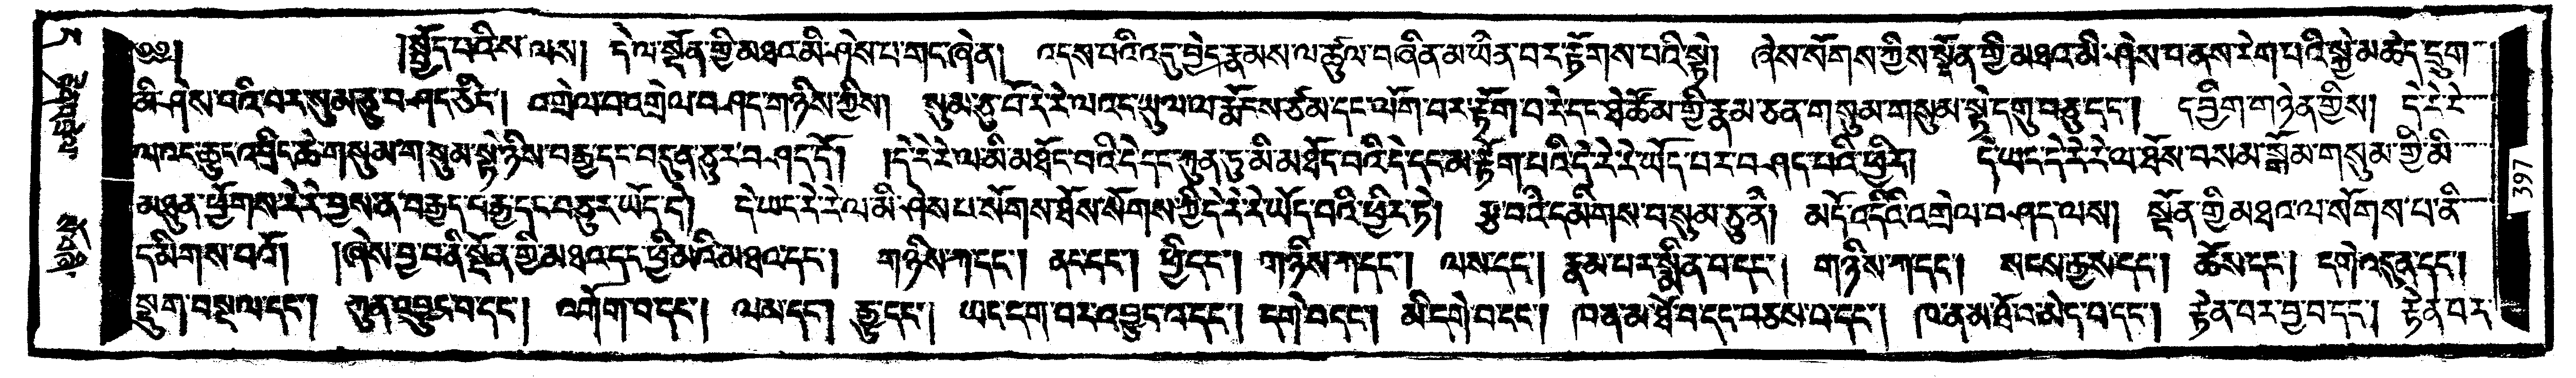༄༅། །སྤྱོད་པའི་ས་ལས། དེ་ལ་སྔོན་གྱི་མཐའ་མི་ཤེས་པ་གང་ཞེ་ན། འདས་པའི་འདུ་བྱེད་རྣམས་ལ་ཚུལ་བཞིན་མ་ཡིན་པར་རྟོགས་པའི་སྟེ། ཞེས་སོགས་ཀྱིས་སྔོན་གྱི་མཐའ་མི་ཤེས་པ་ནས་རེག་པའི་སྐྱེ་མཆེད་དྲུག་
མི་ཤེས་པའི་བར་སུམ་ཅུ་བཤད་ཅིང་། འགྲེལ་པ་འགྲེལ་བཤད་གཉིས་ཀྱིས། སུམ་ཅུ་པོ་རེ་རེ་ལའང་ཡུལ་ལ་རྨོངས་ཙམ་དང་ལོག་པར་རྟོག་པ་རེ་དང་ཐེ་ཚོམ་གྱི་རྣམ་ཅན་གསུམ་གསུམ་སྟེ་དགུ་བཅུ་དང་། དབྱིག་གཉེན་གྱིས། དེ་རེ་རེ་
ལའང་ཆུང་འབྲིང་ཆེ་གསུམ་གསུམ་སྟེ་ཉིས་བརྒྱ་དང་བདུན་ཅུར་བཤད་དོ། །དེ་རེ་རེ་ལ་མི་མཐོང་བའི་དེ་དང་ཀུན་ཏུ་མི་མཐོང་བའི་དེ་དང་མ་རྟོག་པའི་དེ་རེ་རེ་ཡོད་པར་བཤད་པའི་ཕྱིར། དེ་ཡང་དེ་རེ་རེ་ལ་ཐོས་བསམ་སྒོམ་གསུམ་གྱི་མི་
མཐུན་ཕྱོགས་རེ་རེ་བྱས་ན་བརྒྱད་བརྒྱ་དང་བཅུར་ཡོད་དེ། དེ་ཡང་རེ་རེ་ལ་མི་ཤེས་པ་སོགས་ཐོས་སོགས་ཀྱི་དེ་རེ་རེ་ཡོད་པའི་ཕྱིར་ཏེ། རྩ་བའི་དམིགས་བ་སུམ་ཅུ་ནི། མདོ་འདིའི་འགྲེལ་བཤད་ལས། སྔོན་གྱི་མཐའ་ལ་སོགས་པ་ནི་
དམིགས་པའོ། །ཞེས་བྱ་བ་ནི་སྔོན་གྱི་མཐའ་དང་ཕྱི་མའི་མཐའ་དང་། གཉིས་ཀ་དང་། ནང་དང་། ཕྱི་དང་། གཉིས་ཀ་དང་། ལས་དང་། རྣམ་པར་སྨིན་པ་དང་། གཉིས་ཀ་དང་། སངས་རྒྱས་དང་། ཆོས་དང་། དགེ་འདུན་དང་།
སྡུག་བསྔལ་དང་། ཀུན་འབྱུང་བ་དང་། འགོག་པ་དང་། ལམ་དང་། རྒྱུ་དང་། ཡང་དག་པར་འབྱུང་བ་དང་། དགེ་བ་དང་། མི་དགེ་བ་དང་། ཁ་ན་མ་ཐོ་བ་དང་བཅས་པ་དང་། ཁ་ན་མ་ཐོ་བ་མེད་པ་དང་། རྟེན་པར་བྱ་བ་དང་། རྟེན་པར་